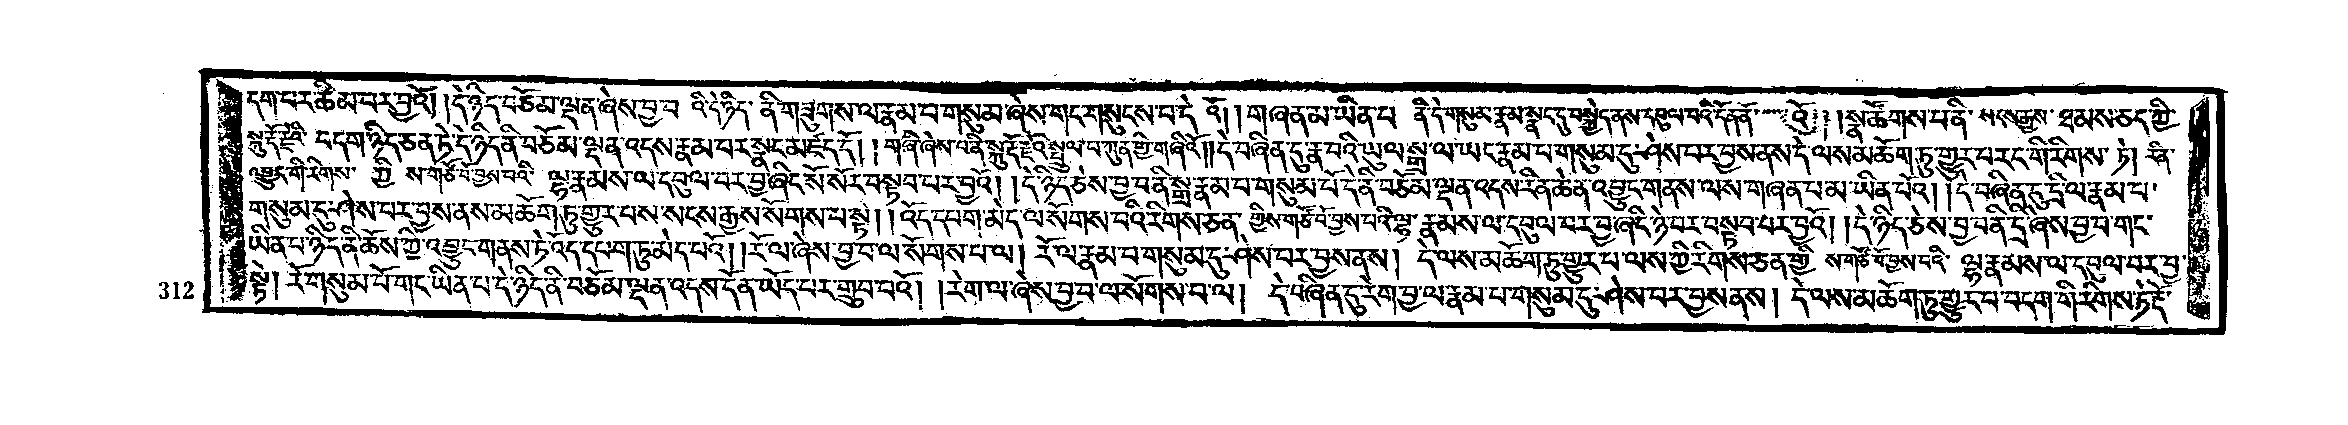དག་པར་ཚིམ་པར་བྱའོ། །དེ་ཉིད་བཅོམ་ལྡན་ཞེས་བྱ་བའི་དེ་ཉིད་ནི་གཟུགས་ལ་རྣམ་པ་གསུམ་ཞེས་གང་གསུངས་པ་དེའོ། །གཞན་མ་ཡིན་པ་ནི་དེ་གསུམ་རྣམ་སྣང་དུ་བསྐྱེད་ནས་དབུལ་བའི་དོན་ནོ་འོ། །སྣ་ཚོགས་པ་ནི་སངས་རྒྱས་ཐམས་ཅད་ཀྱི་
སྐུ་རྡོ་རྗེའི་བདག་ཉིད་ཅན་ཏེ་དེ་ཉིད་ནི་བཅོམ་ལྡན་འདས་རྣམ་པར་སྣང་མཛད་དོ། ། གཞི་ཞེས་པ་ནི་སྐུ་རྡོ་རྗེའི་སྤྲུལ་པ་ཀུན་གྱི་གཞིའོ། །དེ་བཞིན་དུ་རྣ་བའི་ཡུལ་སྒྲ་ལ་ཡང་རྣམ་པ་གསུམ་དུ་ཤེས་པར་བྱས་ནས་དེ་ལས་མཆོག་ཏུ་གྱུར་པ་རང་གི་རིགས་ཏེ། རིན་
འབྱུང་གི་རིགས་ཀྱི་ས་གཙོ་བོ་བྱས་པའི་ལྷ་རྣམས་ལ་དབུལ་བར་བྱ་ཞིང་སོ་སོར་བསྟབ་པར་བྱའོ། །དེ་ཉིད་ཅེས་བྱ་བ་ནི་སྒྲ་རྣམ་པ་གསུམ་པོ་དེ་ནི་བཅོམ་ལྡན་འདས་རིན་ཆེན་འབྱུང་གནས་ལས་གཞན་པ་མ་ཡིན་པའོ། །དེ་བཞིན་དུ་དྲི་ལ་རྣམ་པ་
གསུམ་དུ་ཤེས་པར་བྱས་ནས་མཆོག་ཏུ་གྱུར་པས་སངས་རྒྱས་སོགས་པ་སྟེ། །འོད་དཔག་མེད་ལ་སོགས་པའི་རིགས་ཅན་གྱིས་གཙོ་བོ་བྱས་པའི་ལྷ་རྣམས་ལ་དབུལ་བར་བྱ་ཞིང་ཉེ་བར་བསྟབ་པར་བྱའོ། །དེ་ཉིད་ཅེས་བྱ་བ་ནི་དྲི་ཞེས་བྱ་བ་གང་
ཡིན་པ་ཉིད་ནི་ཆོས་ཀྱི་འབྱུང་གནས་ཏེ་འོད་དཔག་ཏུ་མེད་པའོ། །རོ་ལ་ཞེས་བྱ་བ་ལ་སོགས་པ་ལ། རོ་ལ་རྣམ་པ་གསུམ་དུ་ཤེས་པར་བྱས་ནས། དེ་ལས་མཆོག་ཏུ་གྱུར་པ་ལས་ཀྱི་རིགས་ཅན་གྱིས་གཙོ་བོ་བྱས་པའི་ལྷ་རྣམས་ལ་དབུལ་བར་བྱ་
སྟེ། རོ་གསུམ་པོ་གང་ཡིན་པ་དེ་ཉིད་ནི་བཅོམ་ལྡན་འདས་དོན་ཡོད་པར་གྲུབ་པའོ། །རེག་ལ་ཞེས་བྱ་བ་ལ་སོགས་པ་ལ། དེ་བཞིན་དུ་རེག་བྱ་ལ་རྣམ་པ་གསུམ་དུ་ཤེས་པར་བྱས་ནས། དེ་ལས་མཆོག་ཏུ་གྱུར་པ་བདག་གི་རིགས་ཏེ་རྡོ་